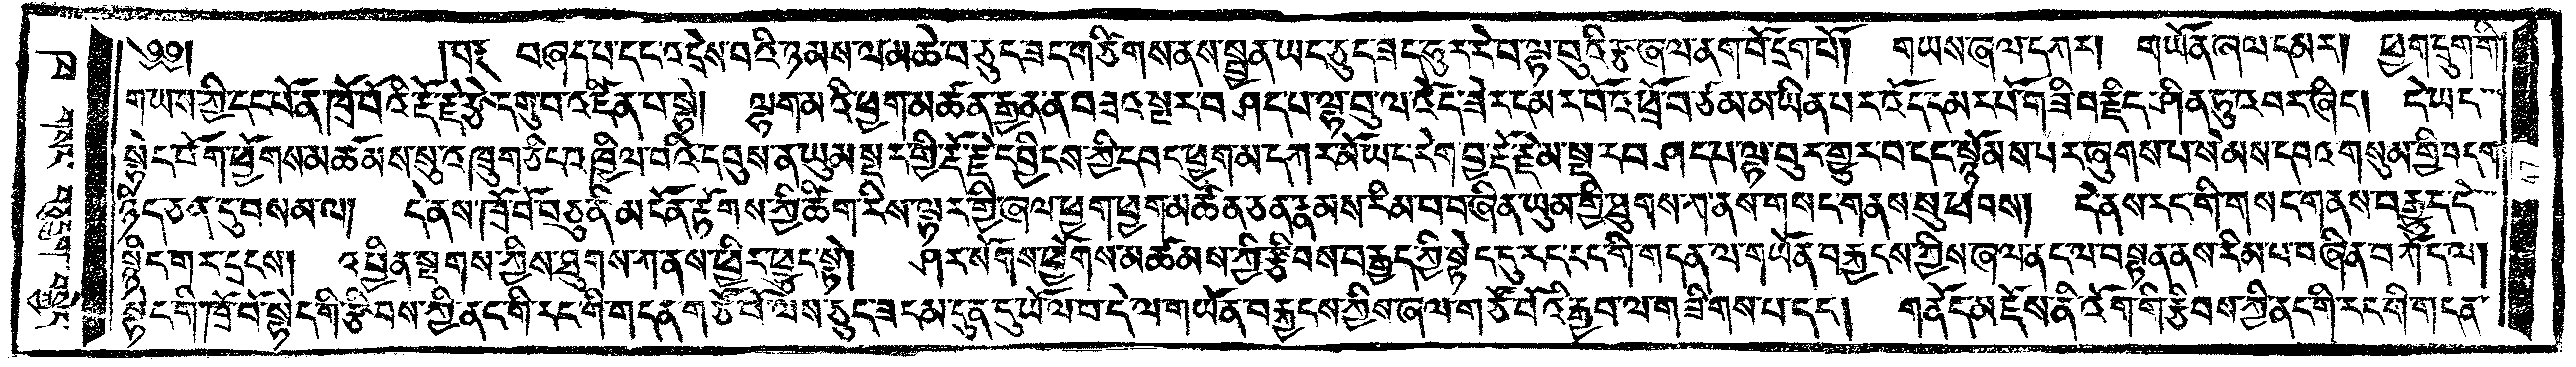༄༅། །པ༑ བཞད་པ་དང་འདྲེས་བའི་ཉམས་ལ་མཆེ་བ་ཅུང་ཟད་གཙིགས་ནས་སྤྱན་ཡང་ཅུང་ཟད་ཧུར་རེ་བ་ལྟ་བུའི་རྩ་ཞལ་ནག་པོ་དྲག་པོ། གཡས་ཞལ་དཀར། གཡོན་ཞལ་དམར། ཕྱག་དྲུག་གི་
གཡས་ཀྱི་དང་པོ་ན་ཁྲོ་བོའི་རྡོ་རྗེ་རྩེ་དགུ་པ་འཛིན་པ་སྟེ། ལྷག་མའི་ཕྱག་མཚན་རྒྱན་ན་བཟའ་སྔར་བཤད་པ་ལྟ་བུ་ལ་འོད་ཟེར་དམར་པོ་འཕོར་བ་ཙམ་མ་ཡིན་པར་འོད་དམར་པོ་གཟི་བརྗིད་ཤིན་ཏུ་འབར་ཞིང་། དེ་ཡང་
སྟེང་འོག་ཕྱོགས་མཚམས་སུ་འཁྲུག་ཅིང་འཁྱིལ་བའི་དབུས་ན་ཡུམ་སྔར་གྱི་རྡོ་རྗེ་དབྱིངས་ཀྱི་དབང་ཕྱུག་མ་དཀར་མོ་ཡང་རེག་བྱ་རྡོ་རྗེ་མ་སྔར་བཤད་པ་ལྟ་བུར་གྱུར་བ་དང་སྙོམས་པར་ཞུགས་པ་སེམས་དཔའ་གསུམ་གྱི་བདག་
ཉིད་ཅན་དུ་བསམ་ལ། དེ་ནས་ཁྲོ་བོ་བཅུ་ན་མངོན་རྟོགས་ཀྱི་ཚིག་རིས་ལྟར་གྱི་ཞལ་ཕྱག་ཕྱག་མཚན་ཅན་རྣམས་རིམ་པ་བཞིན་ཡུམ་གྱི་ཐུགས་ཀ་ནས་གསང་གནས་སུ་ཕབས། དེ་ནས་རང་གི་གསང་གནས་བརྒྱུད་དེ་
སྙིང་གར་དྲངས། འབྱིན་སྔགས་ཀྱིས་ཐུགས་ཀ་ནས་ཕྱིར་ཕྱུང་སྟེ། ཤར་སོགས་ཕྱོགས་མཚམས་ཀྱི་རྩིབས་བརྒྱད་ཀྱི་སྟེང་དུ་རང་རང་གི་གདན་ལ་གཡོན་བརྐྱངས་ཀྱིས་ཞལ་ནང་ལ་བསྟན་ནས་རིམ་པ་བཞིན་བཀོད་ལ།
སྟེང་གི་ཁྲོ་བོ་སྟེང་གི་རྩིབས་ཀྱི་ནང་གི་རང་གི་གདན་གཙོ་བོ་ལས་ཅུང་ཟད་མདུན་དུ་ཡོལ་བ་དེ་ལ་གཡོན་བརྐྱངས་ཀྱིས་ཞལ་གཙོ་བོའི་རྒྱབ་ལ་གཟིགས་པ་དང་། གནོད་མཛེས་ནི་འོག་གི་རྩིབས་ཀྱི་ནང་གི་རང་གི་གདན་